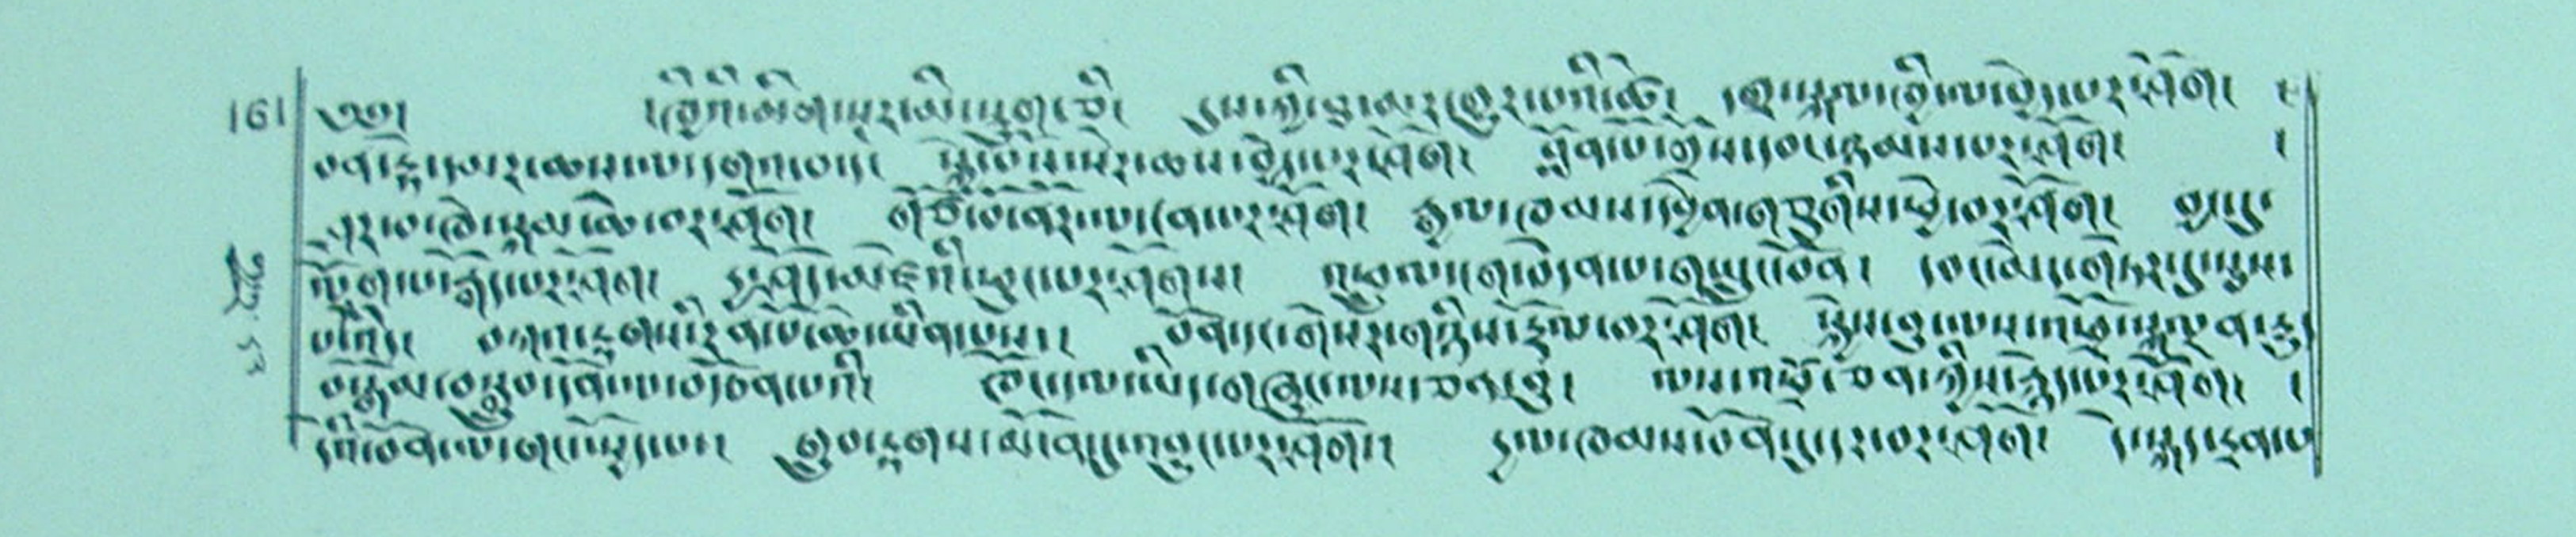༄༅། །ཁྱིའི་མིག་སྔར་མི་སྡུག་ཅིང་། དུས་ཀྱི་ཐ་མར་གྱུར་བའི་ཚེ། དགྲ་སྐད་ཁྱི་ལ་བྱེད་པར་ཤོག 
བན་དྷེ་དམར་ཆས་ལ་དགའ་བ་དང་། སྐྱེ་བོས་སེར་ཆས་བྱེད་པར་ཤོག བློན་པོ་གྲོས་དབང་ཉམས་པར་ཤོག 
ཤར་བ་ཁེ་སྐམ་ཆེ་བར་ཤོག གཙོ་བོ་ནོར་ལ་ངན་པར་ཤོག རྒྱལ་ཁམས་དབྱེན་བཅུག་གིས་ཕྱེ་བར་ཤོག བྱང་དུ་
ལྷོག་པ་རྒོད་པར་ཤོག རྒྱ་ཤོད་མཛེ་ཡིས་ཕུང་བར་ཤོག འཕྲུལ་ངག་བདེན་པ་གཡུང་དྲུང་བོན། དབང་མེད་གཏེར་དུ་སྦས་
པ་འདི། བཀའ་རྟགས་རིན་པོ་ཆེ་ཡིན་པས། བོན་དང་གསེར་གཉིས་རྡོལ་བར་ཤོག སྐྱེས་བུ་ལས་འཕྲོ་སྐལ་ལྡན་རྒྱུད། 
བསྒོམ་བསྒྲུབ་དོན་ལ་བརྩན་པའི། ཁོང་དལ་ཡིད་གཞུང་ལས་ཅན་བུ། ལས་འཕྲོ་ཅན་གྱིས་སྙེད་པར་ཤོག 
དེའི་བོན་ལ་གང་སྤྱོད་པ། གྲུབ་རྟགས་མངོན་ཏུ་འབྱུང་བར་ཤོག རྒྱལ་ཁམས་བོན་དུ་དར་བར་ཤོག དེ་སྐད་དྲན་པ་